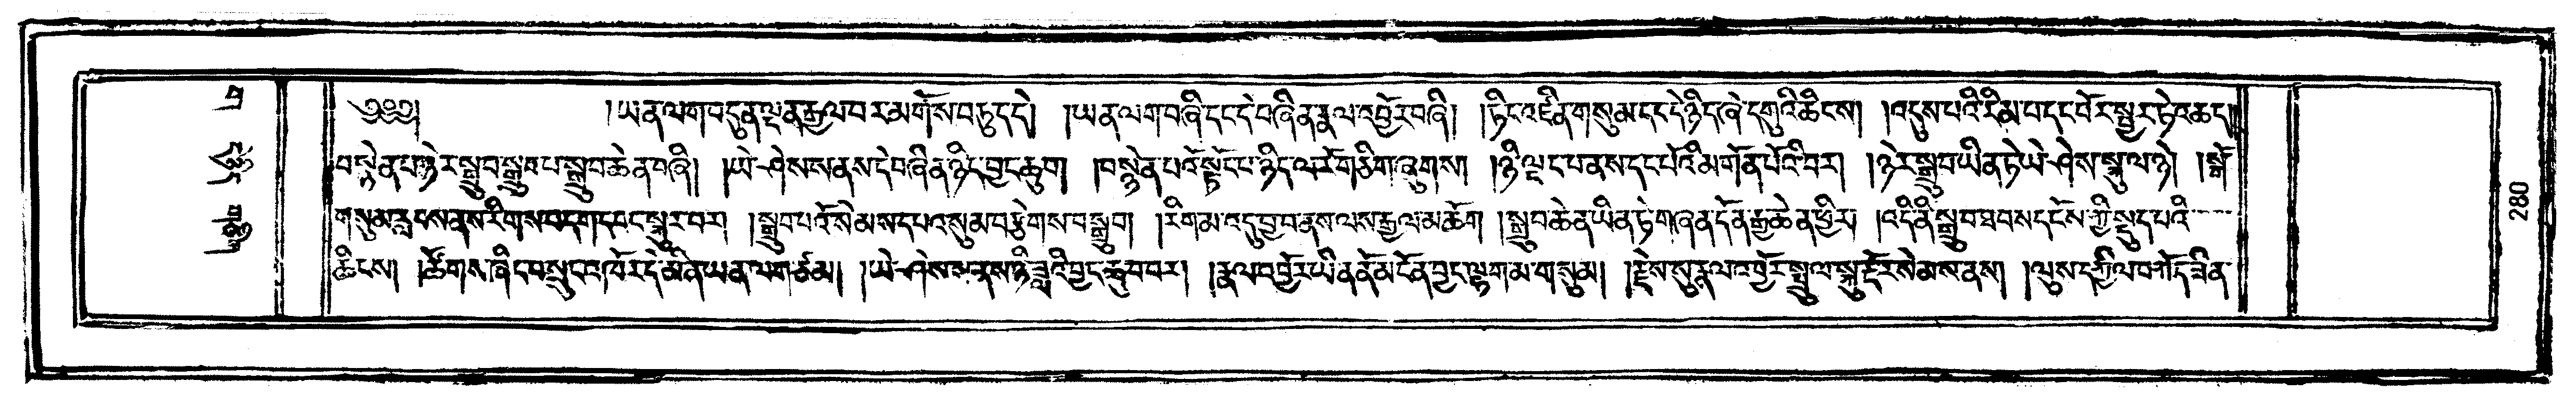༄༅༅། །ཡན་ལག་བདུན་ལྡན་རྒྱལ་བར་མགོས་བཏུད་དེ། །ཡན་ལག་བཞི་དང་དེ་བཞིན་རྣལ་འབྱོར་བཞི། །ཏིང་འཛིན་གསུམ་དང་དེ་ཉིད་ཞེ་དགུའི་ཆིངས། །འདུས་པའི་རིམ་པ་དང་པོར་སྦྱར་ཏེ་འཆད།།
བསྙེན་པ་ཉེར་སྒྲུབ་སྒྲུབ་པ་སྒྲུབ་ཆེན་བཞི། །ཡེ་ཤེས་ས་ནས་དེ་བཞིན་ཉིད་བྱང་ཆུབ། །བསྙེན་པའོ་སྟོང་པ་ཉིད་ལ་རོ་གཅིག་ཞུགས། །ཉི་ལྡང་པ་ནས་དང་པོའི་མགོན་པོའི་བར། །ཉེར་སྒྲུབ་ཡིན་ཏེ་ཡེ་ཤེས་སྐུ་ལ་ཉེ། །སྒོ་
གསུམ་རླབས་ནས་རིགས་བདག་དབང་སྐུར་བར། །སྒྲུབ་པའོ་སེམས་དཔའ་སུམ་བརྩེགས་བསྒྲུབ། །རིག་མ་འདུ་བྱ་བ་ནས་ལས་རྒྱལ་མཆོག །སྒྲུབ་ཆེན་ཡིན་ཏེ་གཞན་དོན་རྒྱ་ཆེན་ཕྱིར། །འདི་ནི་སྒྲུབ་ཐབས་དངོས་ཀྱི་སྡུད་པའི་
ཆིངས། །ཚོགས་ཞིང་བསྲུང་འཁོར་དེ་མིན་ཡན་ལག་ཙམ། །ཡེ་ཤེས་ས་ནས་ཉི་ཟླའི་བྱང་ཆུབ་བར། །རྣལ་འབྱོར་ཡིན་ནོ་མངོན་བྱང་ལྷག་མ་གསུམ། །རྗེས་སུ་རྣལ་འབྱོར་སྤྲུལ་སྐུ་རྡོར་སེམས་ནས། །ལུས་དཀྱིལ་བཀོད་ཟིན་